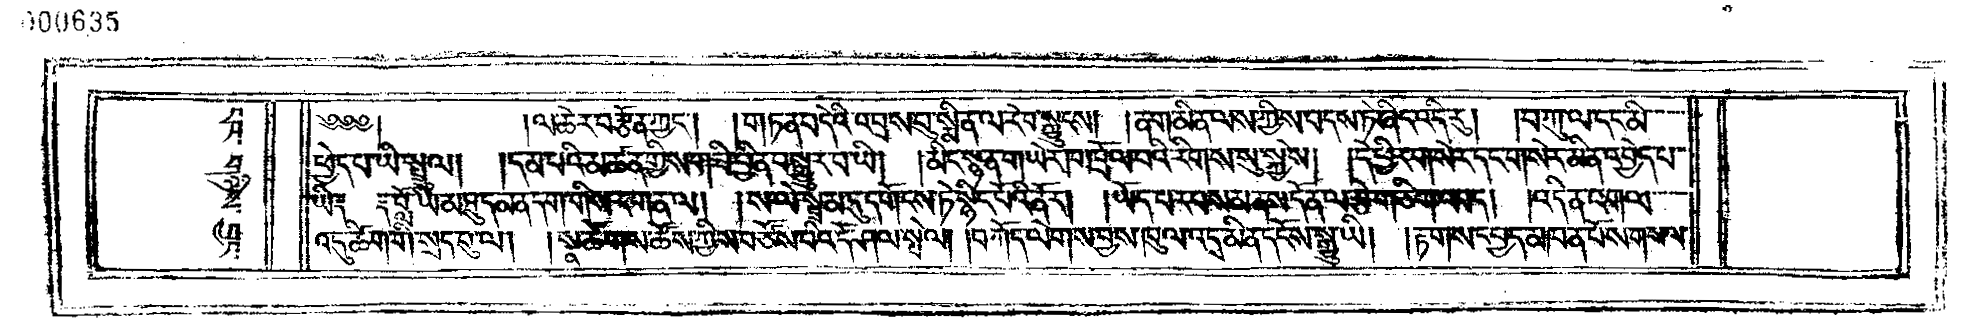༄༅༅། །ལ་ཆེར་བརྩོན་ཀྱང་། །གཏན་བདེའི་འབྲས་བུ་སྨིན་ལ་རེ་བ་སྐྱུངས། །ནག་མིན་ལས་ཀྱིས་བདས་ཏེ་ཞིང་འདི་རུ། །བ་ཀུ་ལ་དང་མི་
ཕྱེད་པ་ཡི་སྤྲུལ། །དམ་པའི་མཚན་གྱིས་གཟི་བྱིན་བསྒྱུར་བ་ཡི། །མིང་སྙན་གཡེར་ཁ་ཁྲོལ་བའི་རིགས་སུ་སྐྱེས། །དེ་ཕྱིར་གསེར་དང་གསེར་མིན་འབྱེད་པ་
ཡི༑ ༑བློ་ཡི་མཐུ་དམན་དག་གིས་ར་གན་ལ། །ས་ལེ་སྦྲམ་དུ་དགོངས་ཏེ་སྙིང་པོའི་ནོར། །ཡོད་པར་བསམ་ནས་དོན་ལ་རྩེ་གཅིག་འབད། །འདི་ན་འགལ་
འདུ་ཚིག་གི་སྲད་བུ་ལ། །སྣ་ཚོགས་ཚོས་ཀྱིས་བཙོས་པའི་དོ་ཤལ་སྤེལ། །བཀོད་ལེགས་བྱས་ཁུལ་འདྲ་མིན་དངོས་སྒྱུ་ཡི། །རྟགས་དཔྱད་མཁན་པོས་གསལ་